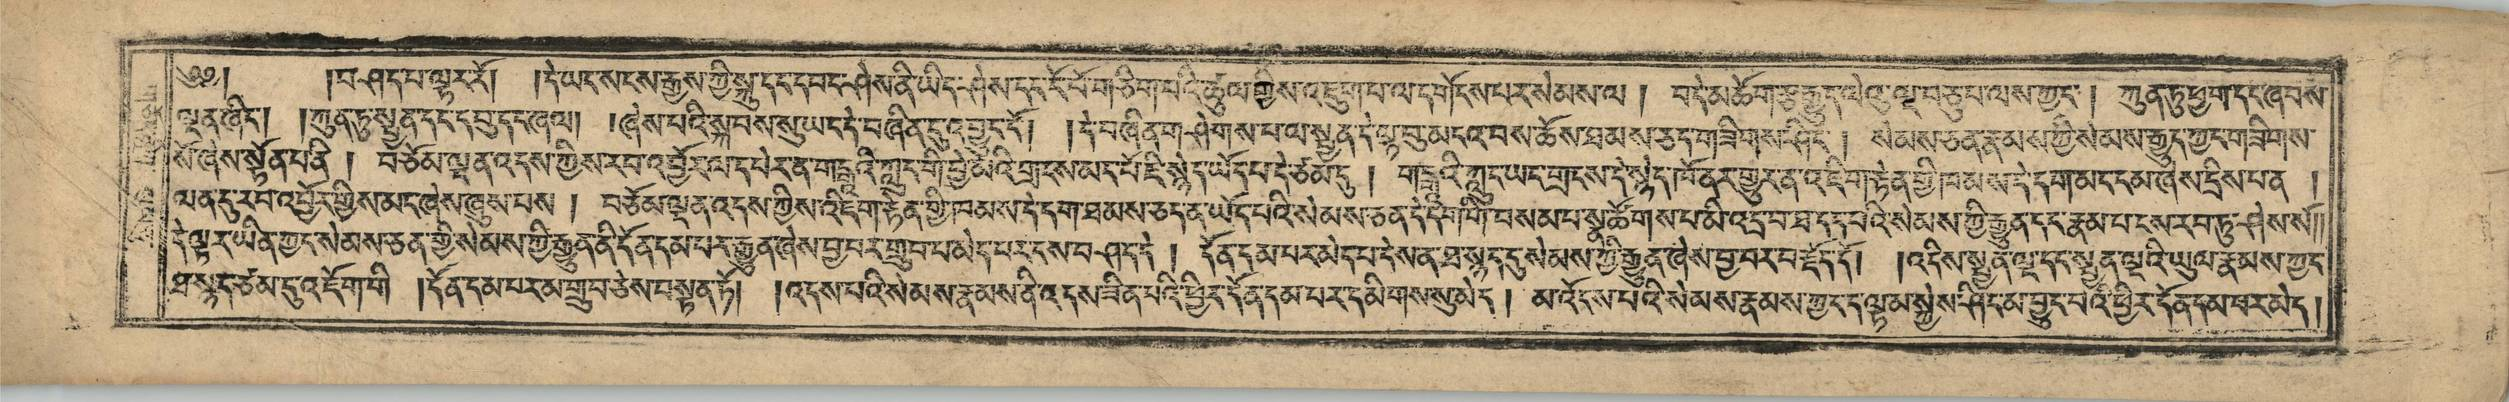༄༅། །བཤད་པ་ལྟར་རོ། །དེ་ཡང་སངས་རྒྱས་ཀྱི་སྐུ་དང་དབང་ཤེས་ནི་ཡིད་ཤེས་དང་ངོ་བོ་གཅིག་པའི་ཚུལ་གྱིས་འཇུག་པ་ལ་དགོངས་པར་སེམས་ལ། བདེ་མཆོག་རྩ་རྒྱུད་ལེའུ་ལྔ་བཅུ་པ་ལས་ཀྱང་། ཀུན་ཏུ་ཕྱག་དང་ཞབས་
ལྡན་ཞིང་། །ཀུན་ཏུ་སྤྱན་དང་དབུ་དང་ཞལ། །ཞེས་པའི་སྐབས་སུ་ཡང་དེ་བཞིན་དུ་འབྱུང་ངོ། །དེ་བཞིན་གཤེགས་པ་ལ་སྤྱན་དེ་ལྟ་བུ་མངའ་བས་ཆོས་ཐམས་ཅད་གཟིགས་ཤིང་། སེམས་ཅན་རྣམས་ཀྱི་སེམས་རྒྱུད་ཀྱང་གཟིགས་
སོ་ཞེས་སྟོན་པ་ནི། བཅོམ་ལྡན་འདས་ཀྱིས་རབ་འབྱོར་ལ་དཔེར་ན་གངྒཱའི་ཀླུང་གི་བྱེ་མའི་གྲངས་མང་པོ་ཇི་སྙེད་ཡོད་པ་དེ་ཙམ་དུ། གངྒཱའི་ཀླུང་ཡང་གྲངས་དེ་སྙེད་ཁོ་ནར་གྱུར་ན་འཇིག་རྟེན་གྱི་ཁམས་དེ་དག་མང་ངམ་ཞེས་དྲིས་པ་ན།
ལན་དུ་རབ་འབྱོར་གྱིས་མང་ཞེས་ཞུས་པས། བཅོམ་ལྡན་འདས་ཀྱིས་འཇིག་རྟེན་གྱི་ཁམས་དེ་དག་ཐམས་ཅད་ན་ཡོད་པའི་སེམས་ཅན་དེ་དག་གི་བསམ་པ་སྣ་ཚོགས་པ་མི་འདྲ་བ་ཐ་དད་པའི་སེམས་ཀྱི་རྒྱུན་དང་རྣམ་པ་ངས་རབ་ཏུ་ཤེས་སོ། །
དེ་ལྟར་ཡིན་ཀྱང་སེམས་ཅན་གྱི་སེམས་ཀྱི་རྒྱུན་ནི་དོན་དམ་པར་རྒྱུན་ཞེས་བྱ་བར་གྲུབ་པ་མེད་པར་ངས་བཤད་དེ། དོན་དམ་པར་མེད་པ་དེས་ན་ཐ་སྙད་དུ་སེམས་ཀྱི་རྒྱུན་ཞེས་བྱ་བར་བརྗོད་དོ། །འདིས་སྤྱན་ལྔ་དང་སྤྱན་ལྔའི་ཡུལ་རྣམས་ཀྱང་
ཐ་སྙད་ཙམ་དུ་འཇོག་གི །དོན་དམ་པར་མ་གྲུབ་ཅེས་བསྟན་ཏོ། །འདས་པའི་སེམས་རྣམས་ནི་འདས་ཟིན་པའི་ཕྱིར་དོན་དམ་པར་དམིགས་སུ་མེད། མ་འོངས་པའི་སེམས་རྣམས་ཀྱང་ད་ལྟ་མ་སྐྱེས་ཤིང་མ་བྱུང་བའི་ཕྱིར་དོན་དམ་པར་མེད།